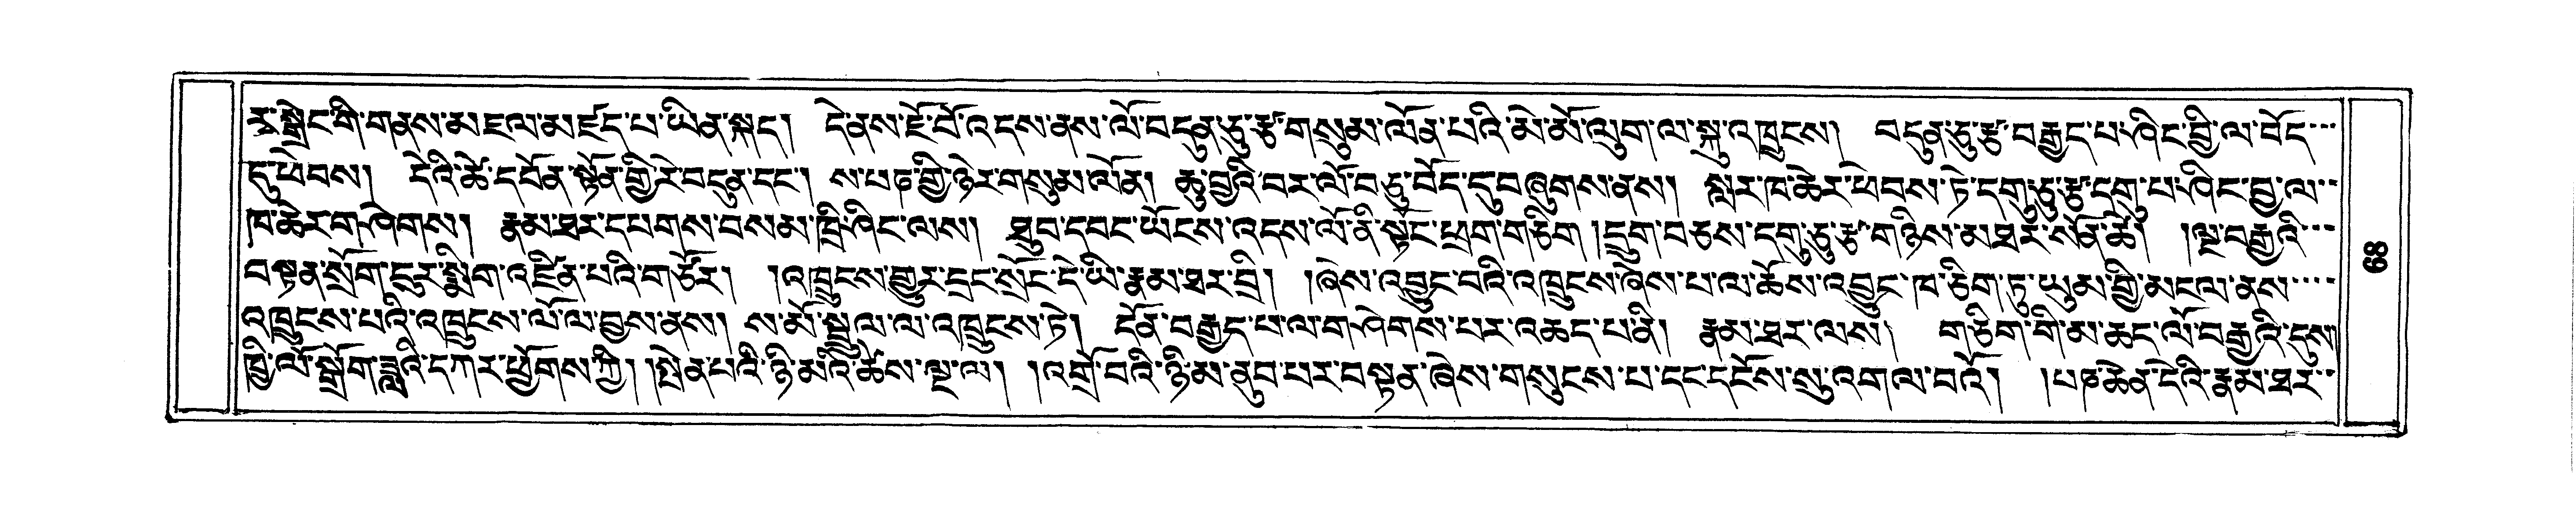རྭ་སྒྲེང་གི་གནས་མཇལ་མཛད་པ་ཡིན་སྐད། དེ་ནས་ཇོ་བོ་འདས་ནས་ལོ་བདུན་ཅུ་རྩ་གསུམ་ལོན་པའི་མེ་མོ་ལུག་ལ་སྐུ་འཁྲུངས། བདུན་ཅུ་རྩ་བརྒྱད་པ་ཤིང་བྱི་ལ་བོད་
དུ་ཕེབས། དེའི་ཚེ་དབོན་སྟོན་གྱི་རེ་བདུན་དང་། ས་པཎ་གྱི་ཉེར་གསུམ་ལོན། ཆུ་བྱའི་བར་ལོ་བཅུ་བོད་དུ་བཞུགས་ནས། སླར་ཁ་ཆེར་ཕེབས་ཏེ་དགུ་ཅུ་རྩ་དགུ་པ་ཤིང་བྱ་ལ་
ཁ་ཆེར་གཤེགས། རྣམ་ཐར་དཔགས་བསམ་ཁྲི་ཤིང་ལས། ཐུབ་དབང་ཡོངས་འདས་ལོ་ནི་སྟོང་ཕྲག་གཅིག །དྲུག་བཅས་དགུ་ཅུ་རྩ་གཉིས་མཐར་སོན་ཚེ། །ལྔ་བརྒྱའི་
བསྟན་སྲོག་དུར་སྨིག་འཛིན་པའི་གཙོར། །འཁྲུངས་གྱུར་དྲང་སྲོང་དེ་ཡི་རྣམ་ཐར་བྲི། །ཞེས་འབྱུང་བའི་འཁྲུངས་ཞེས་པ་ལ་ཆོས་འབྱུང་ཁ་ཅིག་ཏུ་ཡུམ་གྱི་མངལ་ནས་
འཁྲུངས་པའི་འཁྲུངས་ལོ་ལ་བྱས་ནས། ས་མོ་སྦྲུལ་ལ་འཁྲུངས་ཏེ། དོན་བརྒྱད་པ་ལ་གཤེགས་པར་འཆད་པ་ནི། རྣམ་ཐར་ལས། གཅིག་གི་མ་ཆད་ལོ་བརྒྱའི་དུས།
ཁྱི་ལོ་སྒྲོག་ཟླའི་དཀར་ཕྱོགས་ཀྱི། །སྤེན་པའི་ཉི་མའི་ཚེས་ལྔ་ལ། །འགྲོ་བའི་ཉི་མ་ནུབ་པར་བསྟན་ཞེས་གསུངས་པ་དང་དངོས་སུ་འགལ་བའོ། །པཎ་ཆེན་དེའི་རྣམ་ཐར་